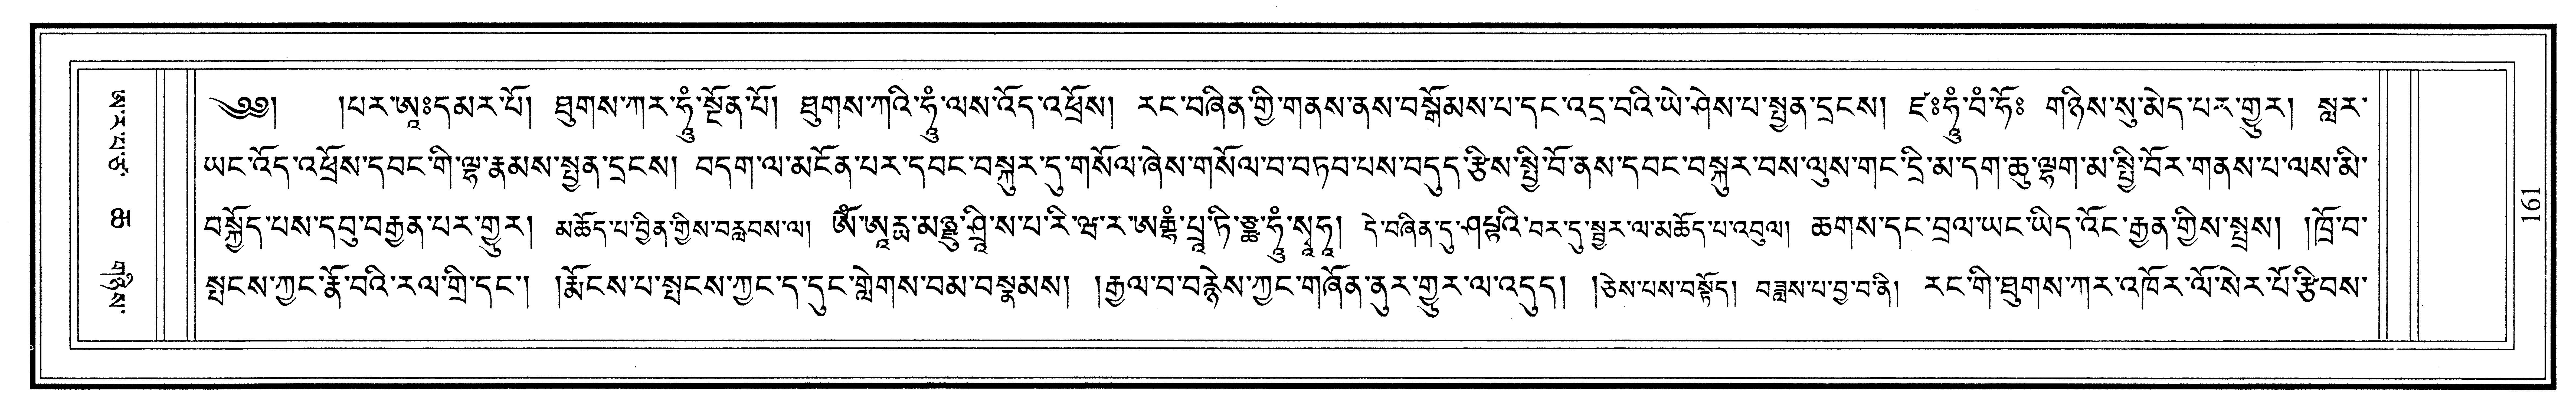༄༅། །པར་ཨཱཿ དམར་པོ། ཐུགས་ཀར་ཧཱུཾ་སྔོན་པོ། ཐུགས་ཀའི་ཧཱུཾ་ལས་འོད་འཕྲོས། རང་བཞིན་གྱི་གནས་ནས་བསྒོམས་པ་དང་འདྲ་བའི་ཡེ་ཤེས་པ་སྤྱན་དྲངས། ཛཿ ཧཱུཾ་བཾ་ཧོཿ གཉིས་སུ་མེད་པར་གྱུར། སླར་
ཡང་འོད་འཕྲོས་དབང་གི་ལྷ་རྣམས་སྤྱན་དྲངས། བདག་ལ་མངོན་པར་དབང་བསྐུར་དུ་གསོལ་ཞེས་གསོལ་བ་བཏབ་པས་བདུད་རྩིས་སྤྱི་བོ་ནས་དབང་བསྐུར་བས་ལུས་གང་དྲི་མ་དག་ཆུ་ལྷག་མ་སྤྱི་བོར་གནས་པ་ལས་མི་
བསྐྱོད་པས་དབུ་བརྒྱན་པར་གྱུར། མཆོད་པ་བྱིན་གྱིས་བརླབས་ལ། ཨོཾ་ཨཱརྱ་མཉྫུ་ཤྲཱི་ས་པ་རི་ཝ་ར་ཨརྒྷཾ་པྲཱ་ཏི་ཙྪ་ཧཱུཾ་སྭཱ་ཧཱ། དེ་བཞིན་དུ་ཤཔྟའི་བར་དུ་སྦྱར་ལ་མཆོད་པ་འབུལ། ཆགས་དང་བྲལ་ཡང་ཡིད་འོང་རྒྱན་གྱིས་སྤྲས། །ཁྲོ་བ་
སྤངས་ཀྱང་རྣོ་བའི་རལ་གྲི་དང་། །རྨོངས་པ་སྤངས་ཀྱང་ད་དུང་གླེགས་བམ་བསྣམས། །རྒྱལ་བ་བརྙེས་ཀྱང་གཞོན་ནུར་གྱུར་ལ་འདུད། །ཅེས་པས་བསྟོད། བཟླས་པ་བྱ་བ་ནི། རང་གི་ཐུགས་ཀར་འཁོར་ལོ་སེར་པོ་རྩིབས་